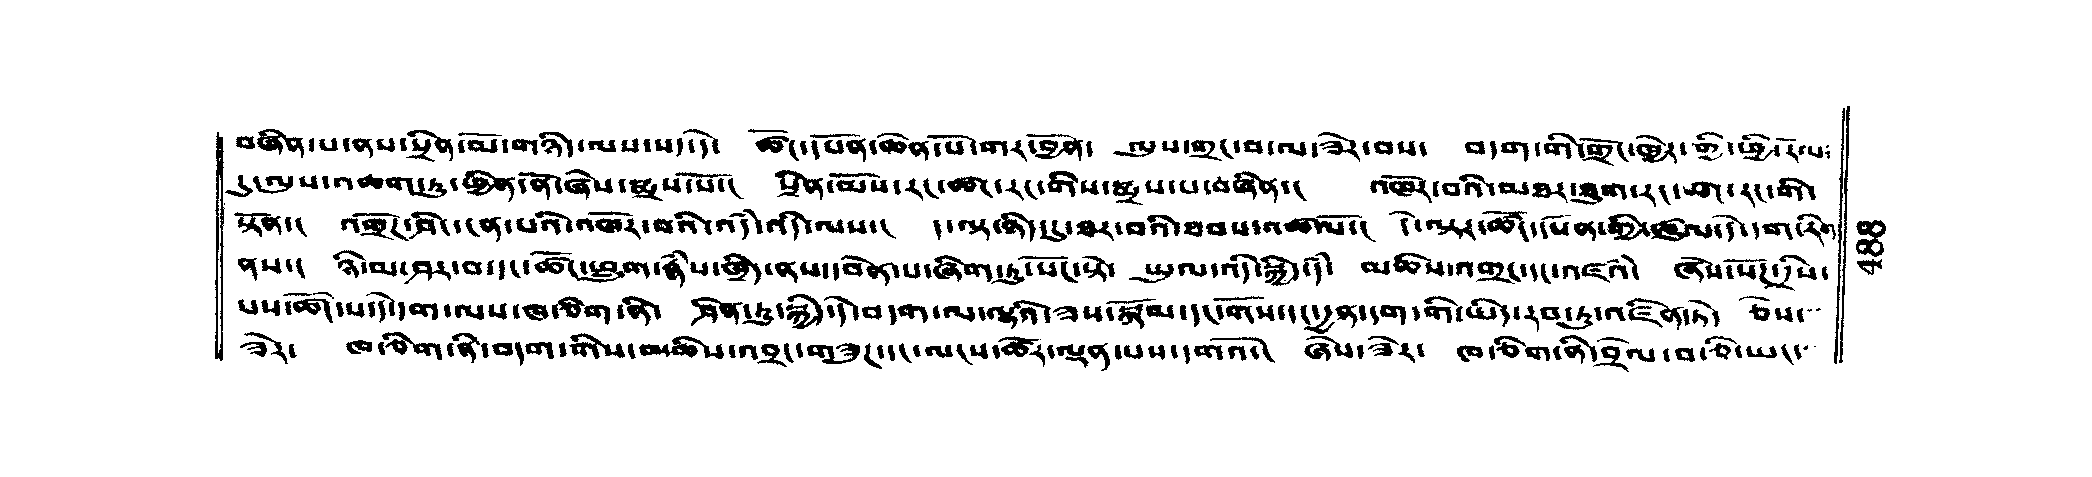བཞིན་པ་ནས་སྲིན་མོ་གཉིད་ལས་སད་དེ། ཚོང་དཔོན་ཆེན་པོ་གར་བྱོན། ལུས་གྲང་བ་ལ་ཟེར་བས། བདག་གི་གྲོང་ཁྱེར་གྱི་ཕྱི་རོལ་
དུ་ལུས་འཆག་ཏུ་ཕྱིན་ནོ་ཞེས་སྨྲས་སོ། སྲིན་མོས་རང་ཚང་རང་གིས་སྨྲས་པ་བཞིན། །འཁོར་བའི་མཐར་ཐུག་རང་ཚང་རང་གི་
སྟོན། །འགྲོགས་ཤིང་ངན་པའི་འཁོར་བའི་འདམ་འདི་ལས། །ད་ལྟ་ཉིད་དུ་ཐར་བའི་ཐབས་འཚལ་ལོ། །དེ་ལྟར་ཚོང་དཔོན་གྱི་ཚུལ་དེ་དག་རིག་
ནས།ཉི་མ་ཤར་བ་དང་ཚོང་ཕྲུག་རྣམས་ཁྲིད་ནས་དབེན་པ་ཞིག་ཏུ་སོང་སྟེ། ཡུལ་འདི་སྐྱིད་དམ། མཆིས་འགྲང་དང་འཛའ་འམ། ཞེས་སོགས་དྲིས་
པས་ཚོང་པ་དེ་དག་ལས་ཁ་ཅིག་ནི། ཤིན་ཏུ་སྐྱིད་དེ་བདག་ལ་ལྷའི་ཟས་སྐོམ་དང་གོས་དང་རྒྱན་དག་གི་ཡིད་རབ་ཏུ་འཛིན་ཏོ། ཞེས་
ཟེར། ཁ་ཅིག་ནི་བདག་གིས་མཆིས་འབྲང་གཟུགས་དང་ལང་ཚོ་ལྡན་པས་དགའོ། ཞེས་ཟེར། ཁ་ཅིག་ནི་བྲེལ་བ་ཅི་ཡང་